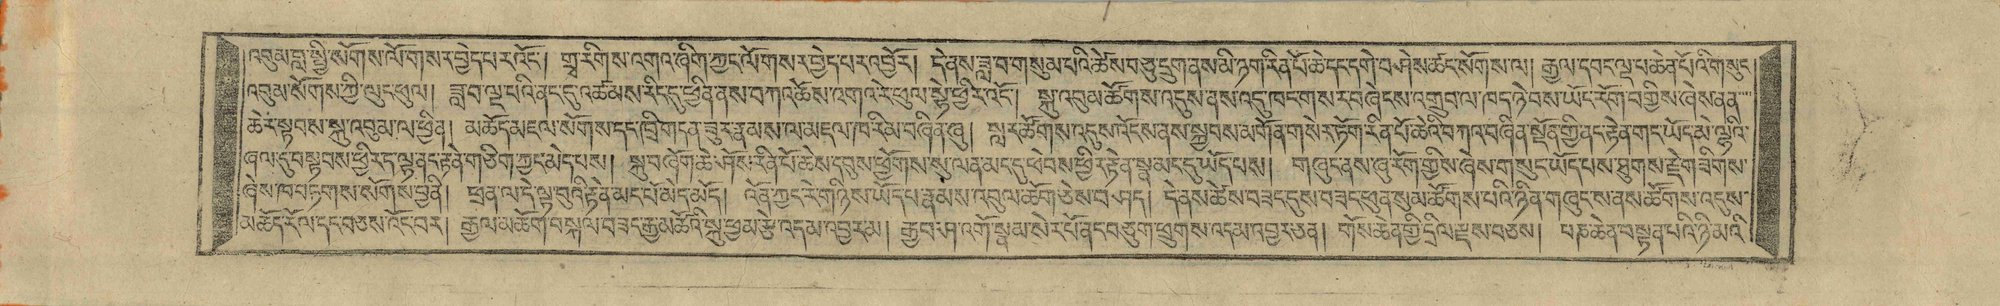འབུམ་བླ་སྤྱི་སོགས་ལོ་གསར་བྱེད་པར་འོང་། གྲྭ་རིགས་འགའ་ཞིག་ཀྱང་ལོ་གསར་བྱེད་པར་འབྱོར། དེ་ནས་ཟླ་བ་གསུམ་པའི་ཚེས་བཅུ་དྲུག་ནས་མི་ཉག་རིན་པོ་ཆེ་དང་དགེ་བཤེས་ཚང་སོགས་ལ། རྒྱལ་དབང་ལྔ་པ་ཆེན་པོའི་གསུང་
འབུམ་སོགས་ཀྱི་ལུང་ཕུལ། ཟླ་བ་ལྔ་པའི་ནང་དུ་འཚམས་རིང་དུ་ཕྱིན་ནས་བཀའ་ཆོས་འགའ་རེ་ཕུལ་སྟེ་ཕྱིར་འོང་། སྐུ་འབུམ་ཚོགས་འདུས་ནས་འདུ་ཁང་གསར་བཞེངས་འགྲུབ་ལ་ཁད་ཉེ་བས་ཡོང་རོག་བགྱིས་ཞེས་ནན་
ཆེར་སྟབས་སྐུ་འབུམ་ལ་ཕྱིན། མཆོད་མཇལ་སོགས་དང་ཁྲི་གདན་ཟུར་རྣམས་ལ་མཇལ་ཁ་རིམ་བཞིན་ཞུ། སླར་ཚོགས་འདུས་འོངས་ནས་སྐྱབས་མགོན་གསེར་ཏོག་རིན་པོ་ཆེའི་བཀའ་བཞིན་སྔོན་གྱི་ནང་རྟེན་གང་ཡོད་མེ་ལྷའི་
ཞལ་དུ་བསྟབས་ཕྱིར་ད་ལྟ་ནང་རྟེན་གཅིག་ཀྱང་མེད་པས། སྐུ་བཞོག་ཆེ་ཤོས་རིན་པོ་ཆེས་དབུས་ཕྱོགས་སུ་ལན་མང་དུ་ཕེབས་ཕྱིར་རྟེན་སྣ་མང་དུ་ཡོད་པས། གཞུང་ནས་ཞུ་རོག་གྱིས་ཞེས་གསུང་ཡོད་པས་ཐུགས་རྗེ་གཟིགས་
ཞེས་ཁ་བཏགས་སོགས་བྱིན། ཕྲན་ལ་དེ་ལྟ་བུའི་རྟེན་མང་པོ་མེད་མོད། འོན་ཀྱང་རེ་གཉིས་ཡོད་པ་རྣམས་འབུལ་ཆོག་ཅེས་བཤད། དེ་ནས་ཚེས་བཟང་དུས་བཟང་ཕུན་སུམ་ཚོགས་པའི་ཉིན་གཞུང་ས་ནས་ཚོགས་འདུས་
མཆོད་རོལ་དང་བཅས་འོང་བར། རྒྱལ་མཆོག་བསྐལ་བཟང་རྒྱ་མཚོའི་སྐུ་ཕྱམ་རྩེ་འདམ་འབྱར་མ། རྒྱབ་ཤ་འགོ་སྣམ་སེར་པོ་ནང་བཅུག་ཕྲུགས་འདམ་འབྱར་ཅན། གོས་ཆེན་གྱི་དྲིལ་རྫས་བཅས། པཎ་ཆེན་བསྟན་པའི་ཉི་མའི་